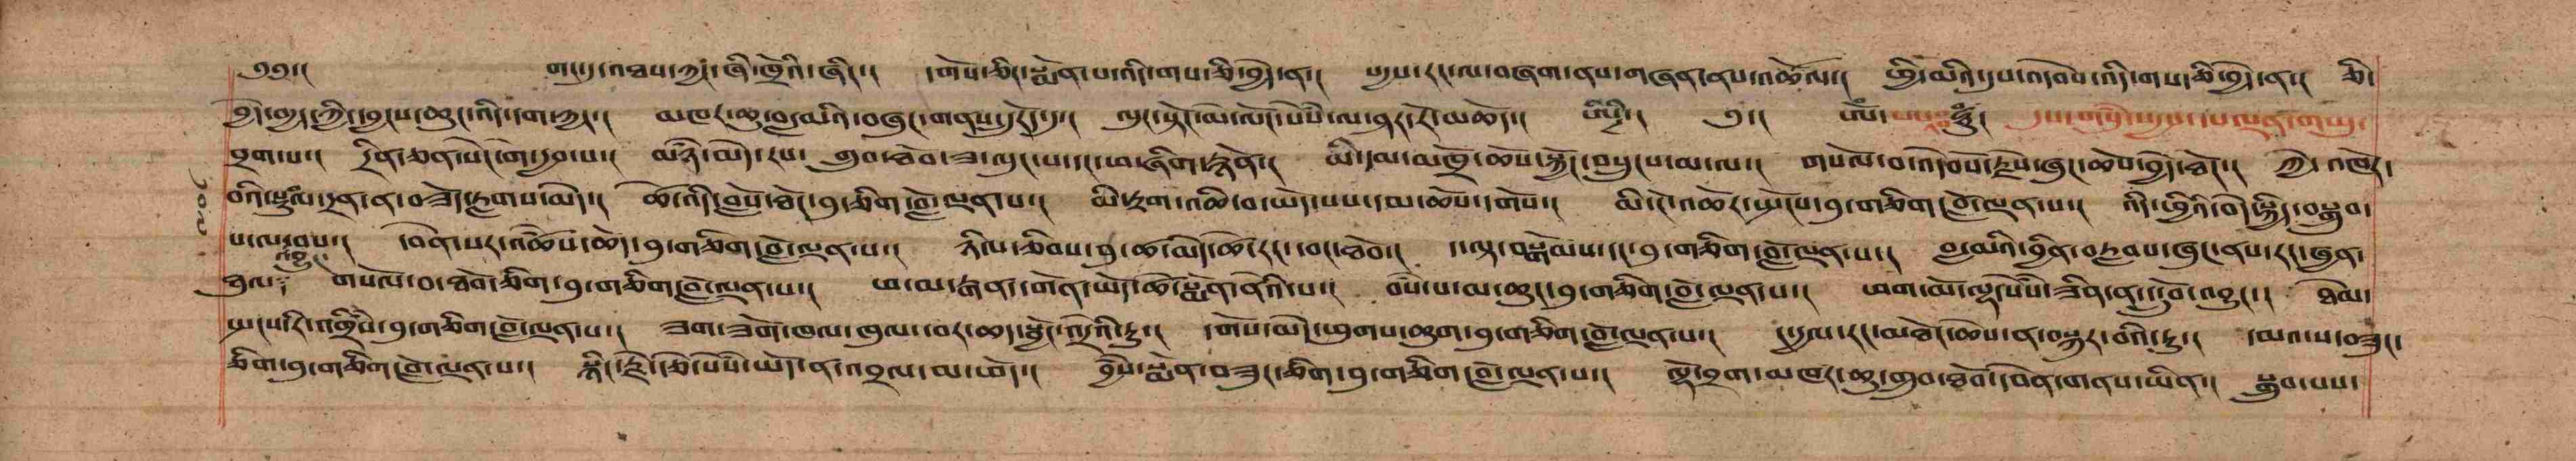༄༅་། གང་དུ་འཐས་ཀྱང་ཞི་ཁྲོའི་ཞིང་། དགོས་ཅིང་སྨོན་པ་འདི་གས་ཅི་བྱེད་ན། སངས་རྒྱས་རང་ལ་བཞག་ནས་གཞན་ནས་འཚོལ། ཕྱི་མའི་དུས་འདེབས་འདི་གས་ཅི་བྱེད་ན། ཅི་
བྱེད་བརྒྱད་ཀྱི་དབྱངས་ཆུང་འདི་དག་ཀྱང་། མཁར་ཆུ་བླ་མའི་བཞུགས་གནས་དུར་ཁྲོད་དུ། ལུང་སྟོང་མེ་ལོང་སེམས་ལ་ཤར་རོ་མཆོད། ཨིཊི། ༄་། ཨོཾ་ཨཱཿཧཱུཾ། དུས་གསུམ་སངས་རྒྱས་དཔལ་ལྡན་གཡུ་
བྲག་པ། དྲིན་ཅན་སེང་གེ་རྒྱབ་པ། མཉམ་མེད་རས་གྲུབ་ཐོབ་ཟ་ལུང་པ་དང་ཕ་ཞིག་རྙེན། ཡི་དམ་མཁའ་འགྲོ་ཆོས་སྐྱོང་བསྲུངས་མ་ལ། གསོལ་བ་འདེབས་སོ་རྗེས་ཞུགས་ཆོས་བྱེད་ཐོང་། ཀྱེ་འཁོར་
བའི་སྡུག་བསྔལ་དྲན་ན་བཟོད་རླགས་མེད། ཚེ་འདི་བློས་ཐོང་བུ་ཅིག་བློ་ལྡན་པ། མི་རྟག་འཆི་བ་ཡོད་པས་དམ་ཆོས་དགོས། མི་ངོ་འཆོར་སྤོངས་བུ་གཅིག་བློ་ལྡན་པ། འདི་ཕྱིའི་བདེ་སྐྱིད་བསྒྲུབ་
པ་ལ་འབྱུང་བས། དབེན་སར་འཚམས་ཆོད་བུ་གཅིག་བློ་ལྡན་པ། ཉིལ་ཅིབས་བུ་ཚ་མེད་ཚེ་རང་དབང་ཐོབ། ད་ལྟ་བསྒོམས་དང་བུ་གཅིག་བློ་ལྡན་པ། བླ་མའི་བྱིན་བརླབས་ཞུགས་ནས་རང་གཞན་
ཐུལ༑ གསོལ་བ་ཐོབ་ཅིག་བུ་གཅིག་བློ་ལྡན་པ། ཕ་མ་རྒན་དགོན་ཡོད་ཚེ་སྨོན་ནེའི་ས། བསམ་ལ་མ་ཆུང་བུ་གཅིག་བློ་ལྡན་པ། ཕག་མོ་ལྷ་སེམས་ཟིན་ན་དངོས་གྲུབ་འབྱུང་། ཐེམ་
སྤངས་རི་འགྲིམས་བུ་གཅིག་བློ་ལྡན་པ། ཟག་ཟོག་ཁལ་ཁུལ་བར་ཆད་སྦྱོང་འདྲེའི་དྱུ། དགོས་མེད་ཕུགས་ཕུག་བུ་གཅིག་བློ་ལྡན་པ། ང་རྒྱལ་རང་མཐོང་ཆེས་ན་བསྐུར་བའི་དྱུ། དམའ་ས་བཟུང་
ཅིག་བུ་གཅིག་བློ་ལྡན་པ། སྙིང་རྗེ་རྩེ་སེམས་ཡོད་ན་འབྲལ་མ་ཕོད། བྱམས་སྨོན་བཟུང་ཅིག་བུ་གཅིག་བློ་ལྡན་པ། ལྷོ་བྲག་མཁར་ཆུ་གྲུབ་ཐོབ་དབེན་གནས་ཡིན། སྒྲུབ་པས་